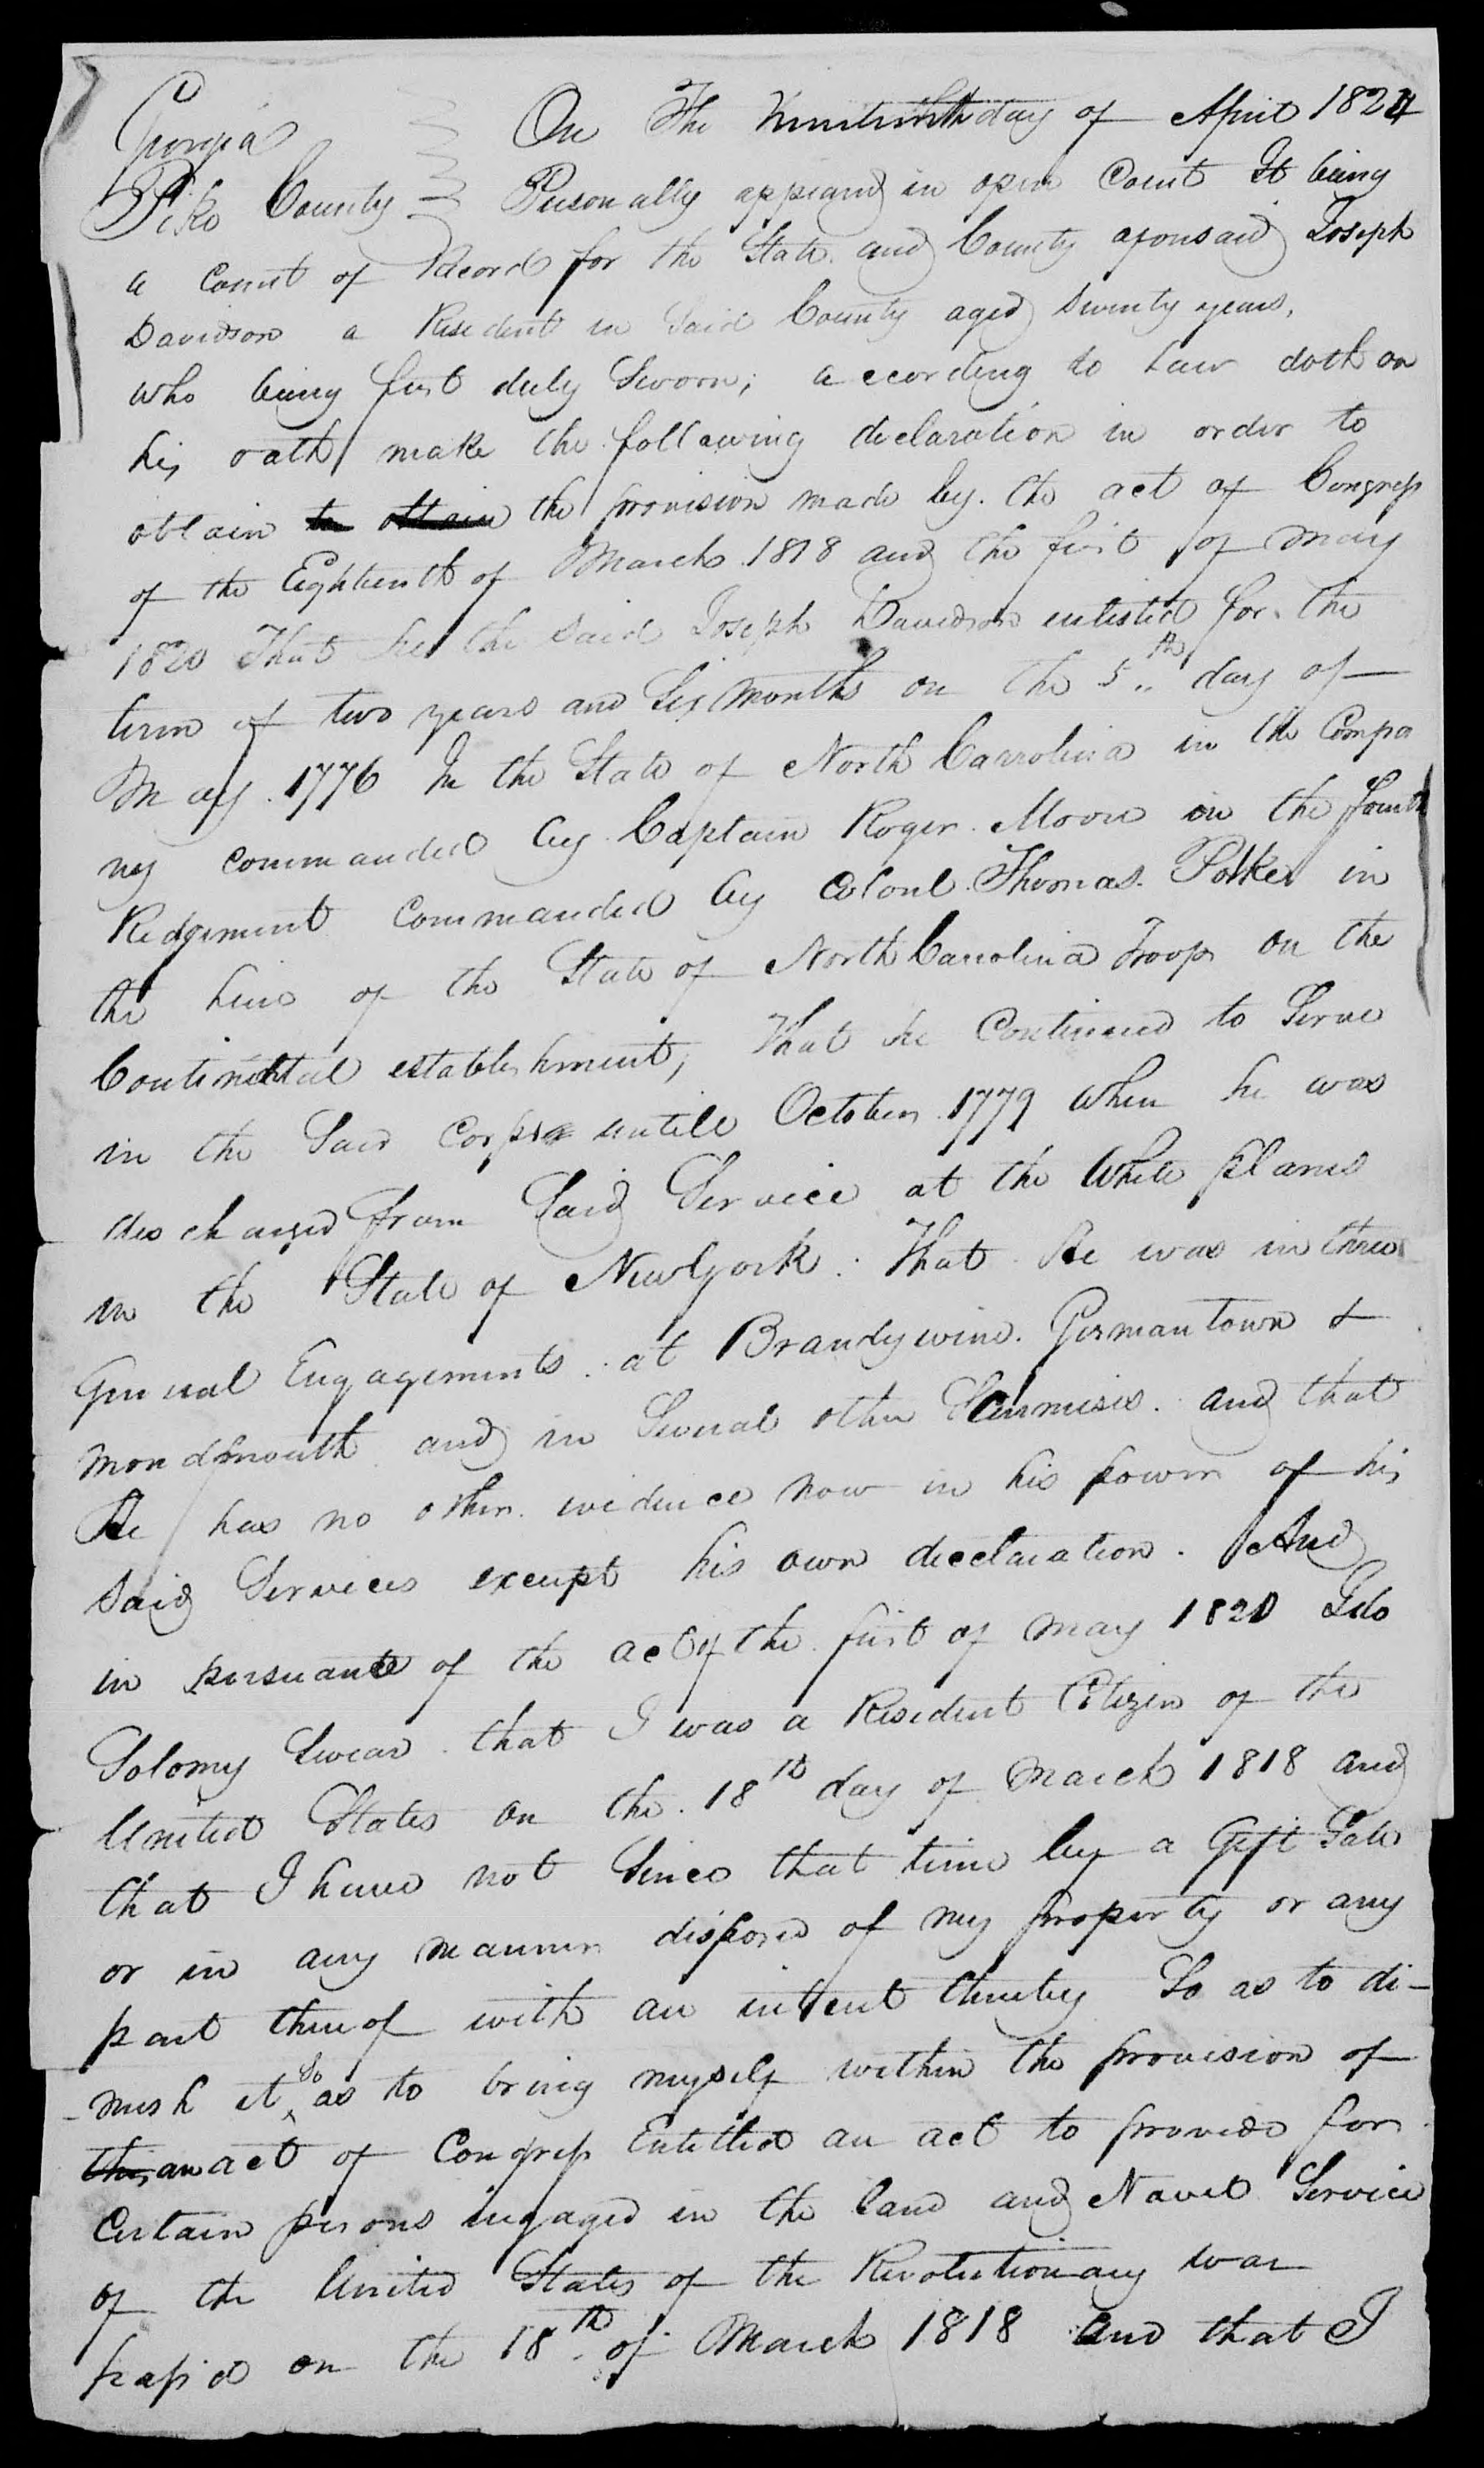Georgia Pike County}

On the nineteenth day of April 1824 personally appeared in open court.  It being a
Court of Records for the State and County aforesaid,  Joseph Davidson a resident in said County aged seventy years who being first duly sworn, according to Law doth on
his oath make the following declaration in order to obtain the provision made by the act of Congress of the Eighteenth of March 1818 and the first of May 1820 That he the said Joseph Davidson enlisted for the term of two years and six months on the 5th day of May
of 1776 in the State of North Carolina in the company commanded by Captain Roger Moore in the Fourth Regiment commanded by Colonel Thomas Parker in the [illegible] of the State of North Carolina Troops on the Continental establishment, that he continued to serve in the said Corps until October 1779 when he was discharged from said Service at the White Planes [Plains] in the State of New York. That he was in three general engagements at Brandywine, Germantown & Monmouth and in several other services and that He has no other evidence now in his power of his said services except his own declaration. And in pursuance of the act of the first of May 1820, I do Solemnly Swear that I was a resident Citizen of the United States on the 18th day of March 1818 and of that I have not since that time by gift sale or in any manner disposed of my property or any part thereof with an intent thereby So as to dipart [depart] thereof with an intent thereby  So as to diminish it so as to bring myself within the provision of this [crossed out] an act of Congress entitled an act to provide for certain persons engaged in the law and Navel [Naval] Service of the United seals of the Revolutionary war [illegible] on the 18th of March 1818 and that I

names: Roger Moore, Joseph Davidson, Joseph Davidson, Thomas Polker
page: 5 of 63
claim: widow's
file: W. 4175, Joseph Davidson, N.C.